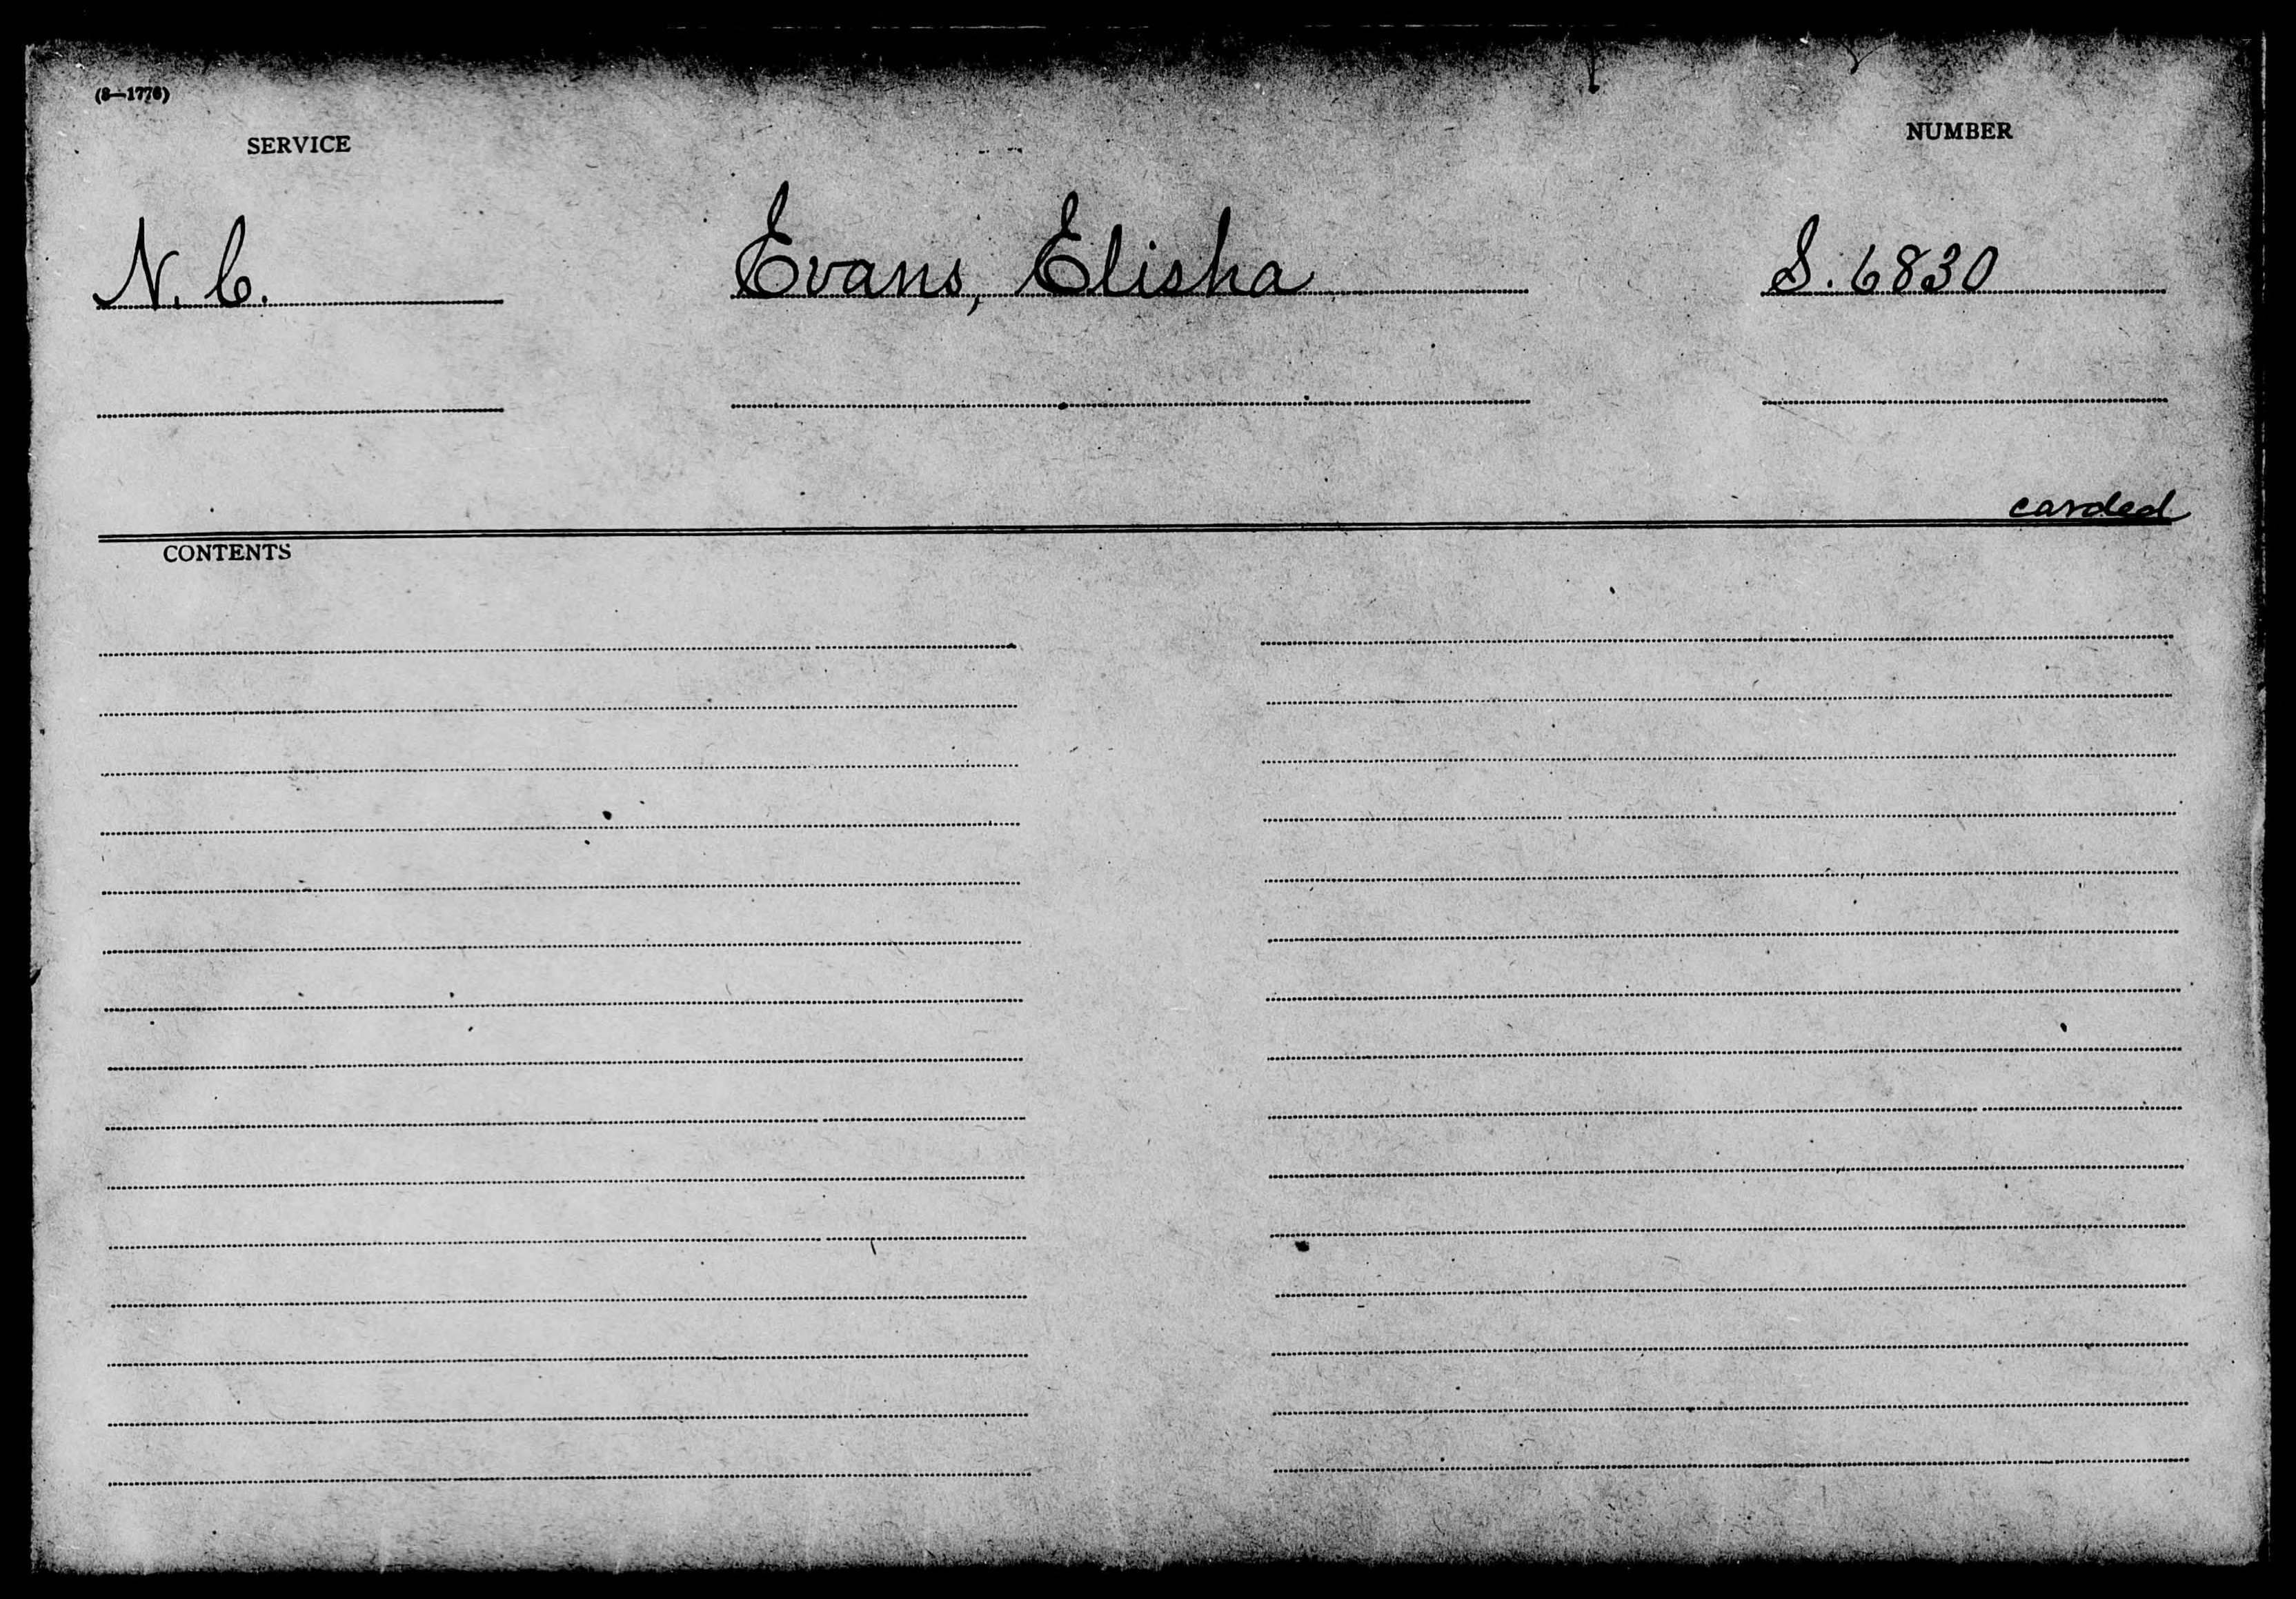[Printed document with handwritten entries]

(3-1776)
SERVICE | NUMBER
N. C. | Evans, Elisha | S. 6830
carded
CONTENTS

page: 1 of 29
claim: survivor's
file: S. 6830, Elisha Evans, N.C.